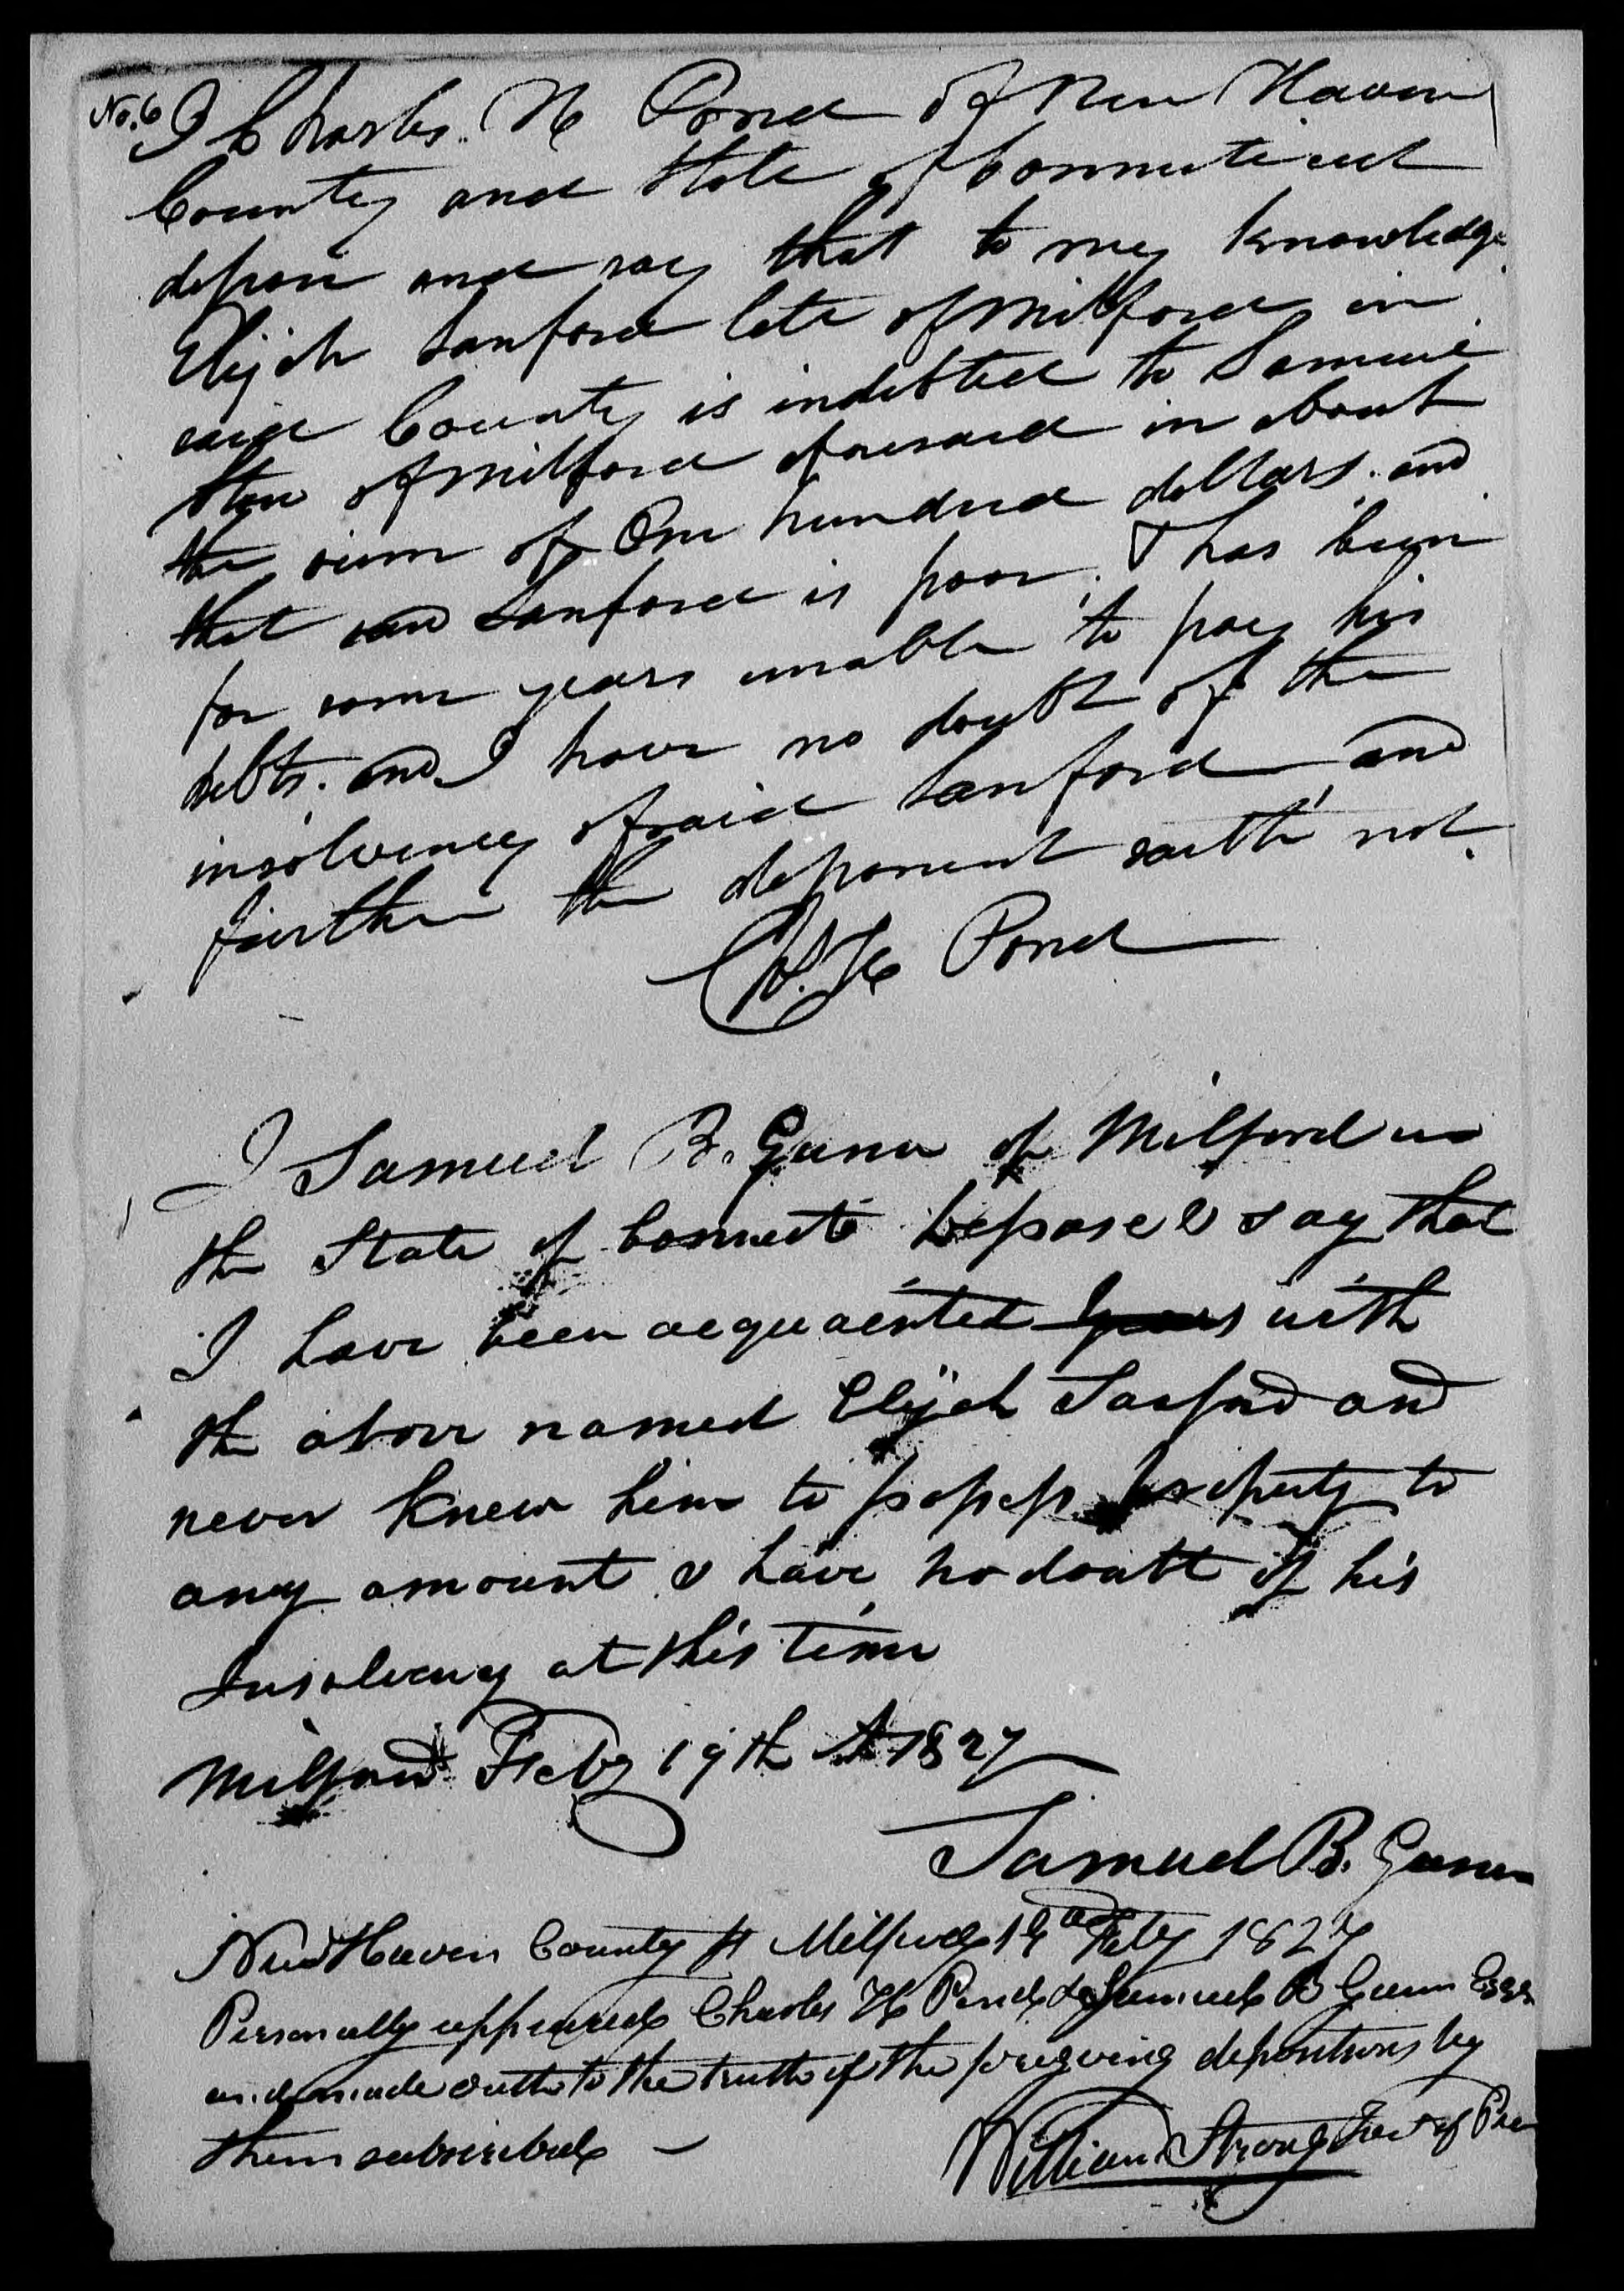No. 6
I,  Charles N. Pond of New Haven County and State of Connecticut depose and say that to my knowledge Elijah Sanford late of Milford in
said County is indebted to Samuel Stow of Milford aforesaid in about the sum of One hundred dollars and that said Sanford is
poor & has been for some years unable to pay his debts, and I have no doubt of the
insolvency of said Sanford and further
the deponent saith not.
[signed] Chas. N. Pond

I, Samuel B. Gunn of Milford in the State
of Connecticut, Depose & say that I have been acquainted with the above named Elijah Sanford and never knew him to possess property to any amount & I have no doubt of his Insolvency at this time.
Milford, Feb 19th 1827
Samuel B. Gunn

New Haven County} ss: Milford, 19th Feby 1827
Personally appeared Charles H Pond & Samuel B Gunn and made oath to the truth of the foregoing depositions by them subscribed.
William Strong Justice of Peace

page: 26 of 42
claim: survivor's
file: S. 36,819, for Samuel Stow, Connecticut